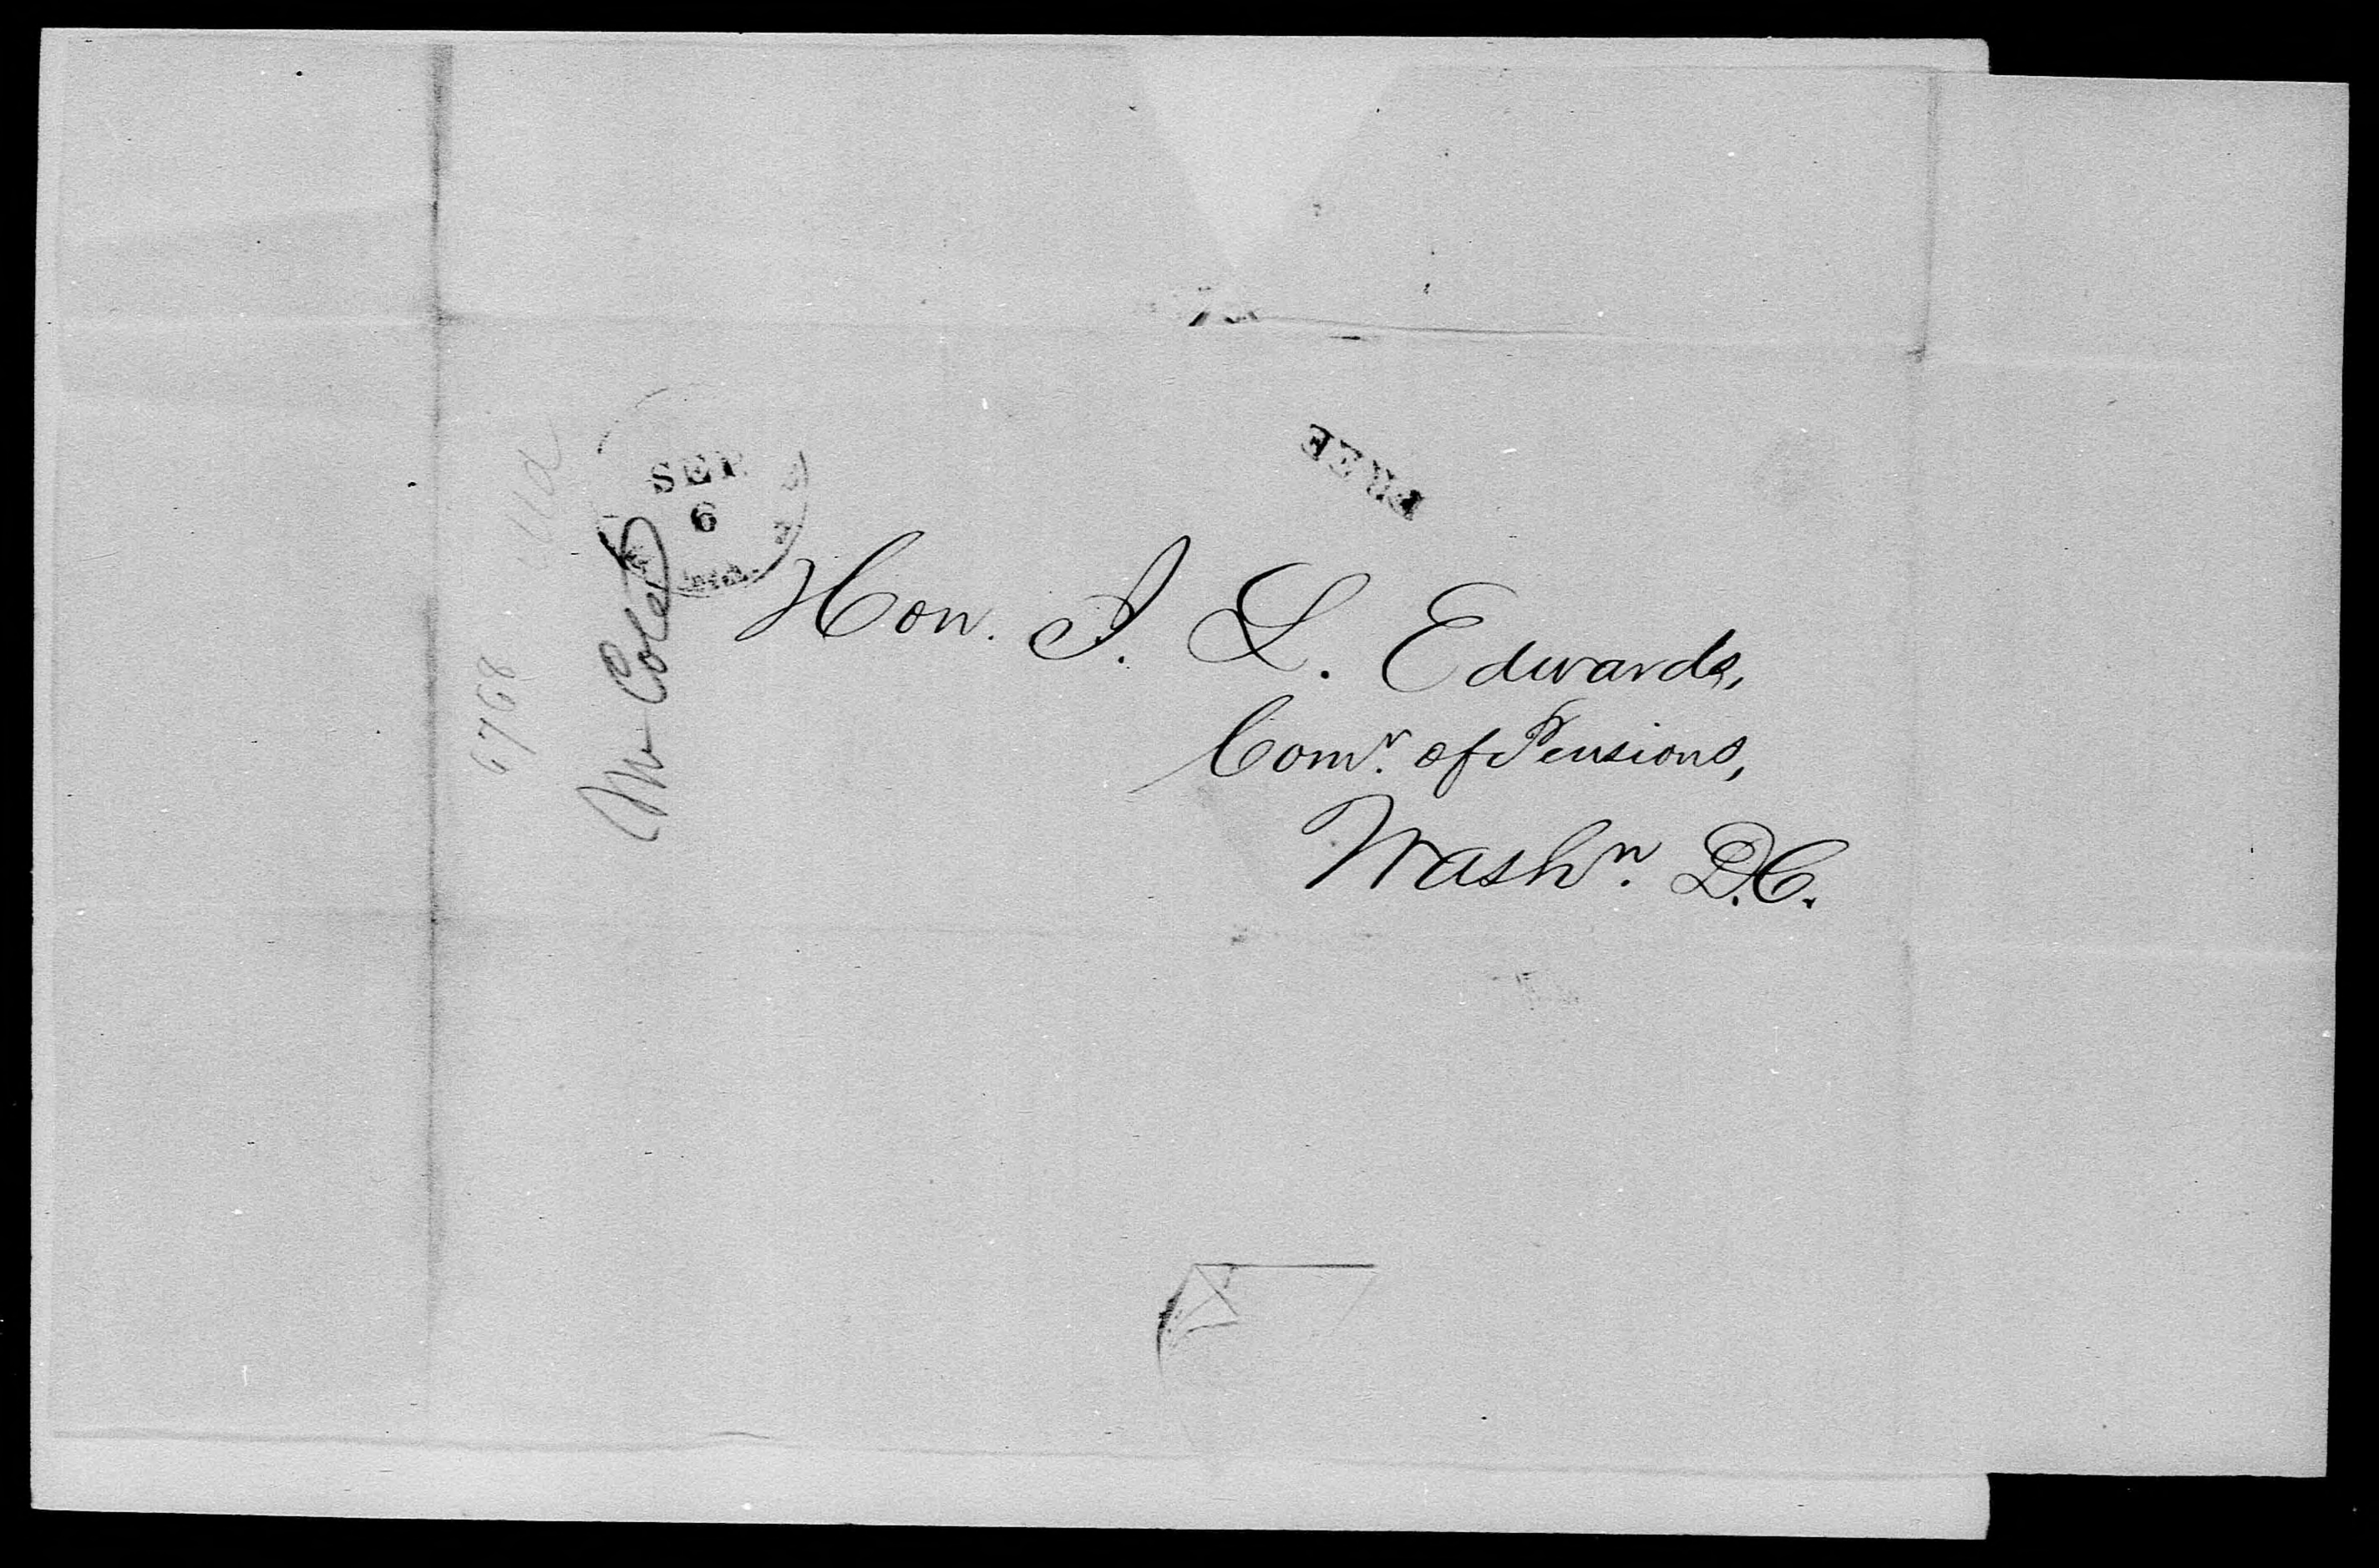[left margin]
6768 Md
Mr Cole

[left stamp] 
SEP 6
[illegible

[center stamp]
FREE

[center]
Hon. J. L. Edwards
Com. of Pensions,
Wash. D.C.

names: J L Edwards, J L Edwards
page: 23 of 26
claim: widow's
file: W 25651, Robert Cross, Md.